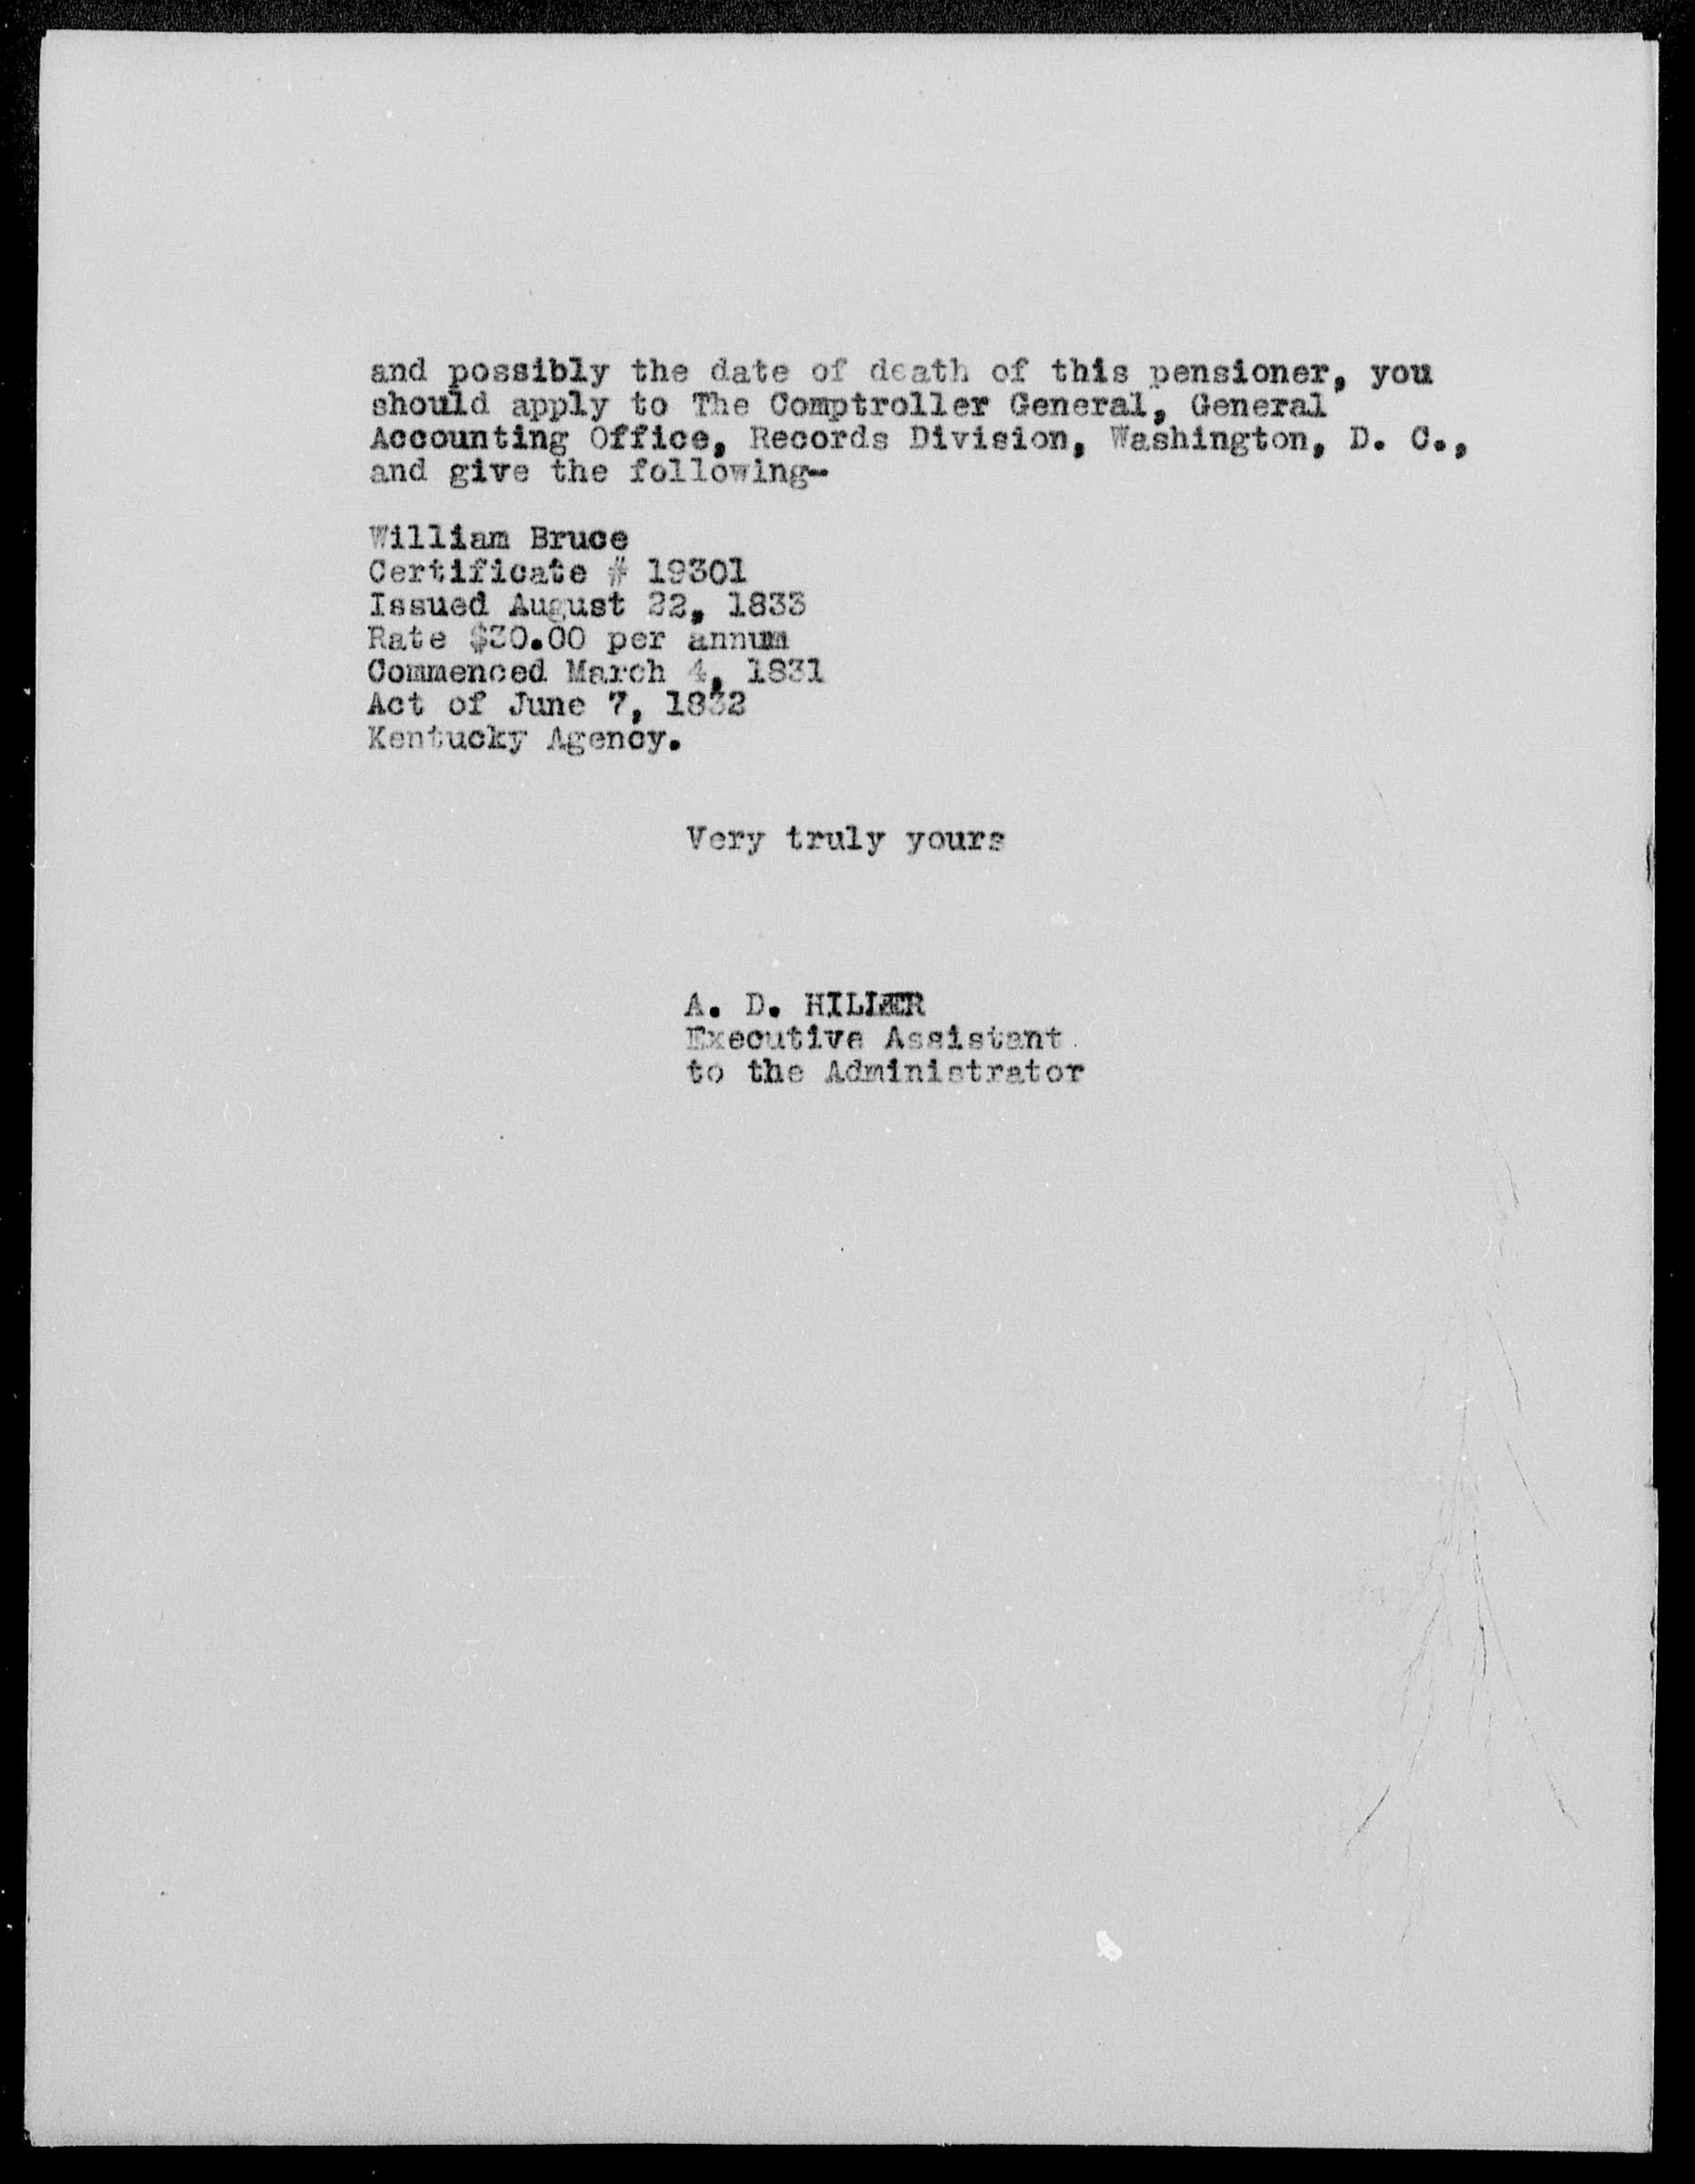[typed form]

and possibly the date of death of this pensioner, you should apply to The Comptroller General, General Accounting Office, Records Division, Washington, D. C., and give the following—
William Bruce 
Certificate # 19301 
Issued August 22, 1833 
Rate $30.00 per annum 
Commenced March 4, 1831 
Act of June 7, 1832 
Kentucky Agency. 

Very truly yours 

A. D. HILLER 
Executive Assistant 
to the Administrator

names: William Bruce, A D Hiller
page: 35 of 54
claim: survivor's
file: S. 30287, William Bruce, N.C.